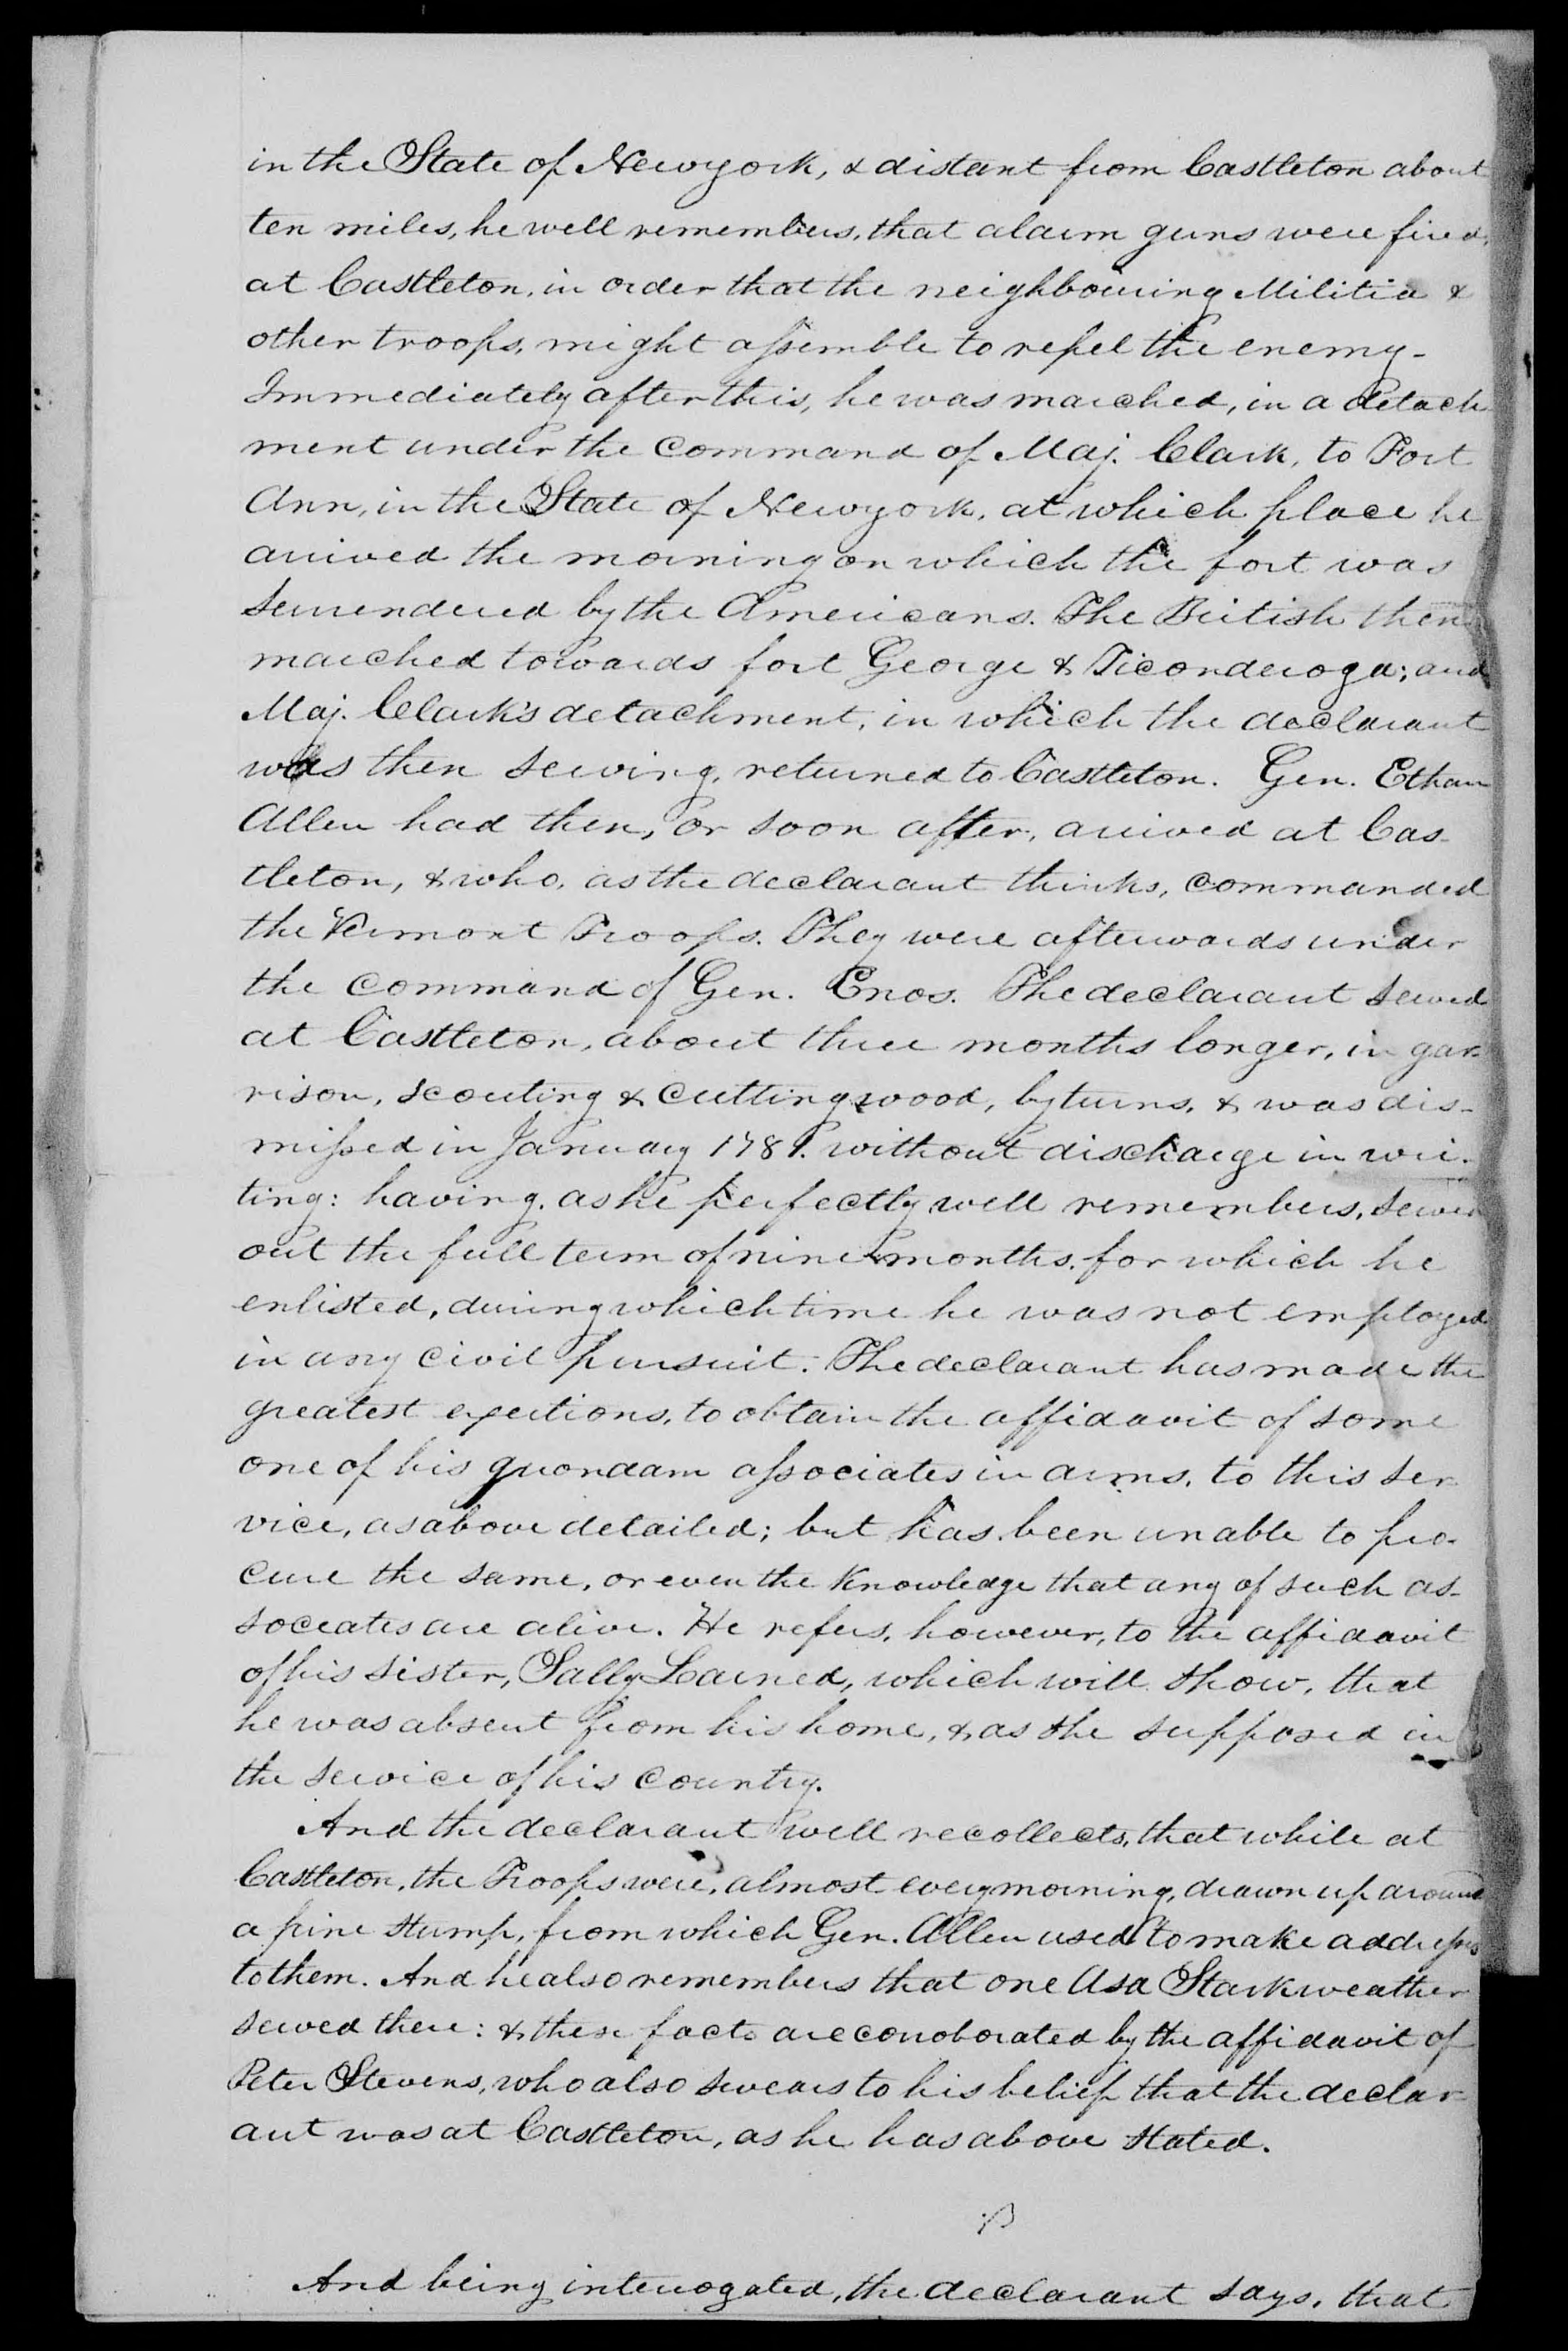in the State of New York, + distant from Castleton about ten miles, he well remembers that alarm guns were fired at Castleton, in order that the neighbouring Militia & other troops might assemble to repel the enemy. Immediately after this, he was marched, in a detachment under the command of Maj. Clark to Fort Ann, in the State of New York, at which place he arrived the morning on which the fort was surrendered by the Americans. The British then marched towards fort George & Ticonderoga; and Maj. Clark's attachment, in which the declarant was then serving, returned to Castleton. Gen. Ethan Allen had then, or soon after, arrived at Castleton, + who, as the declarant thinks, commanded the Vermont Proofs. They were afterwords under the command of Gen. Enos. The declarant served at Castelton, about three months longer, in garrison, scouting + cutting wood, by turns + was dismissed in January 1781 without discharge in writing: having, as he perfectly well remembers, served out the full term of nine months, for which he enlisted, during which time he was not an employee in any civil pursuit. The declarant has  made the greatest exertions, to obtain the affidavit of someone of his [illegible] associates in arms, to this service, as above detailed; but has been unable to procure the same, or even the knowledge that any of such associates are alive. He refers, however, to the affidavit of his Sister, Sally Larned, which will show, that he was absent from his home + as she supposed in the service of his country.
And the declarant well recollects, that while at Castleton, the Troops were, almost every morning, drawn up around a Pine stump, from which Gen. Allen used to made addresses to them. And he also remembers that one Asa Starkweather served there; + these facts are corroborated by the affidavit of Peter Stevens, who also swears to his belief hat the declarant was at Castleton, as he has above stated.

And being interrogated, the declarant says, that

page: 20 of 29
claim: survivor's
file: S. 14,222, for James Pratt, Vermont